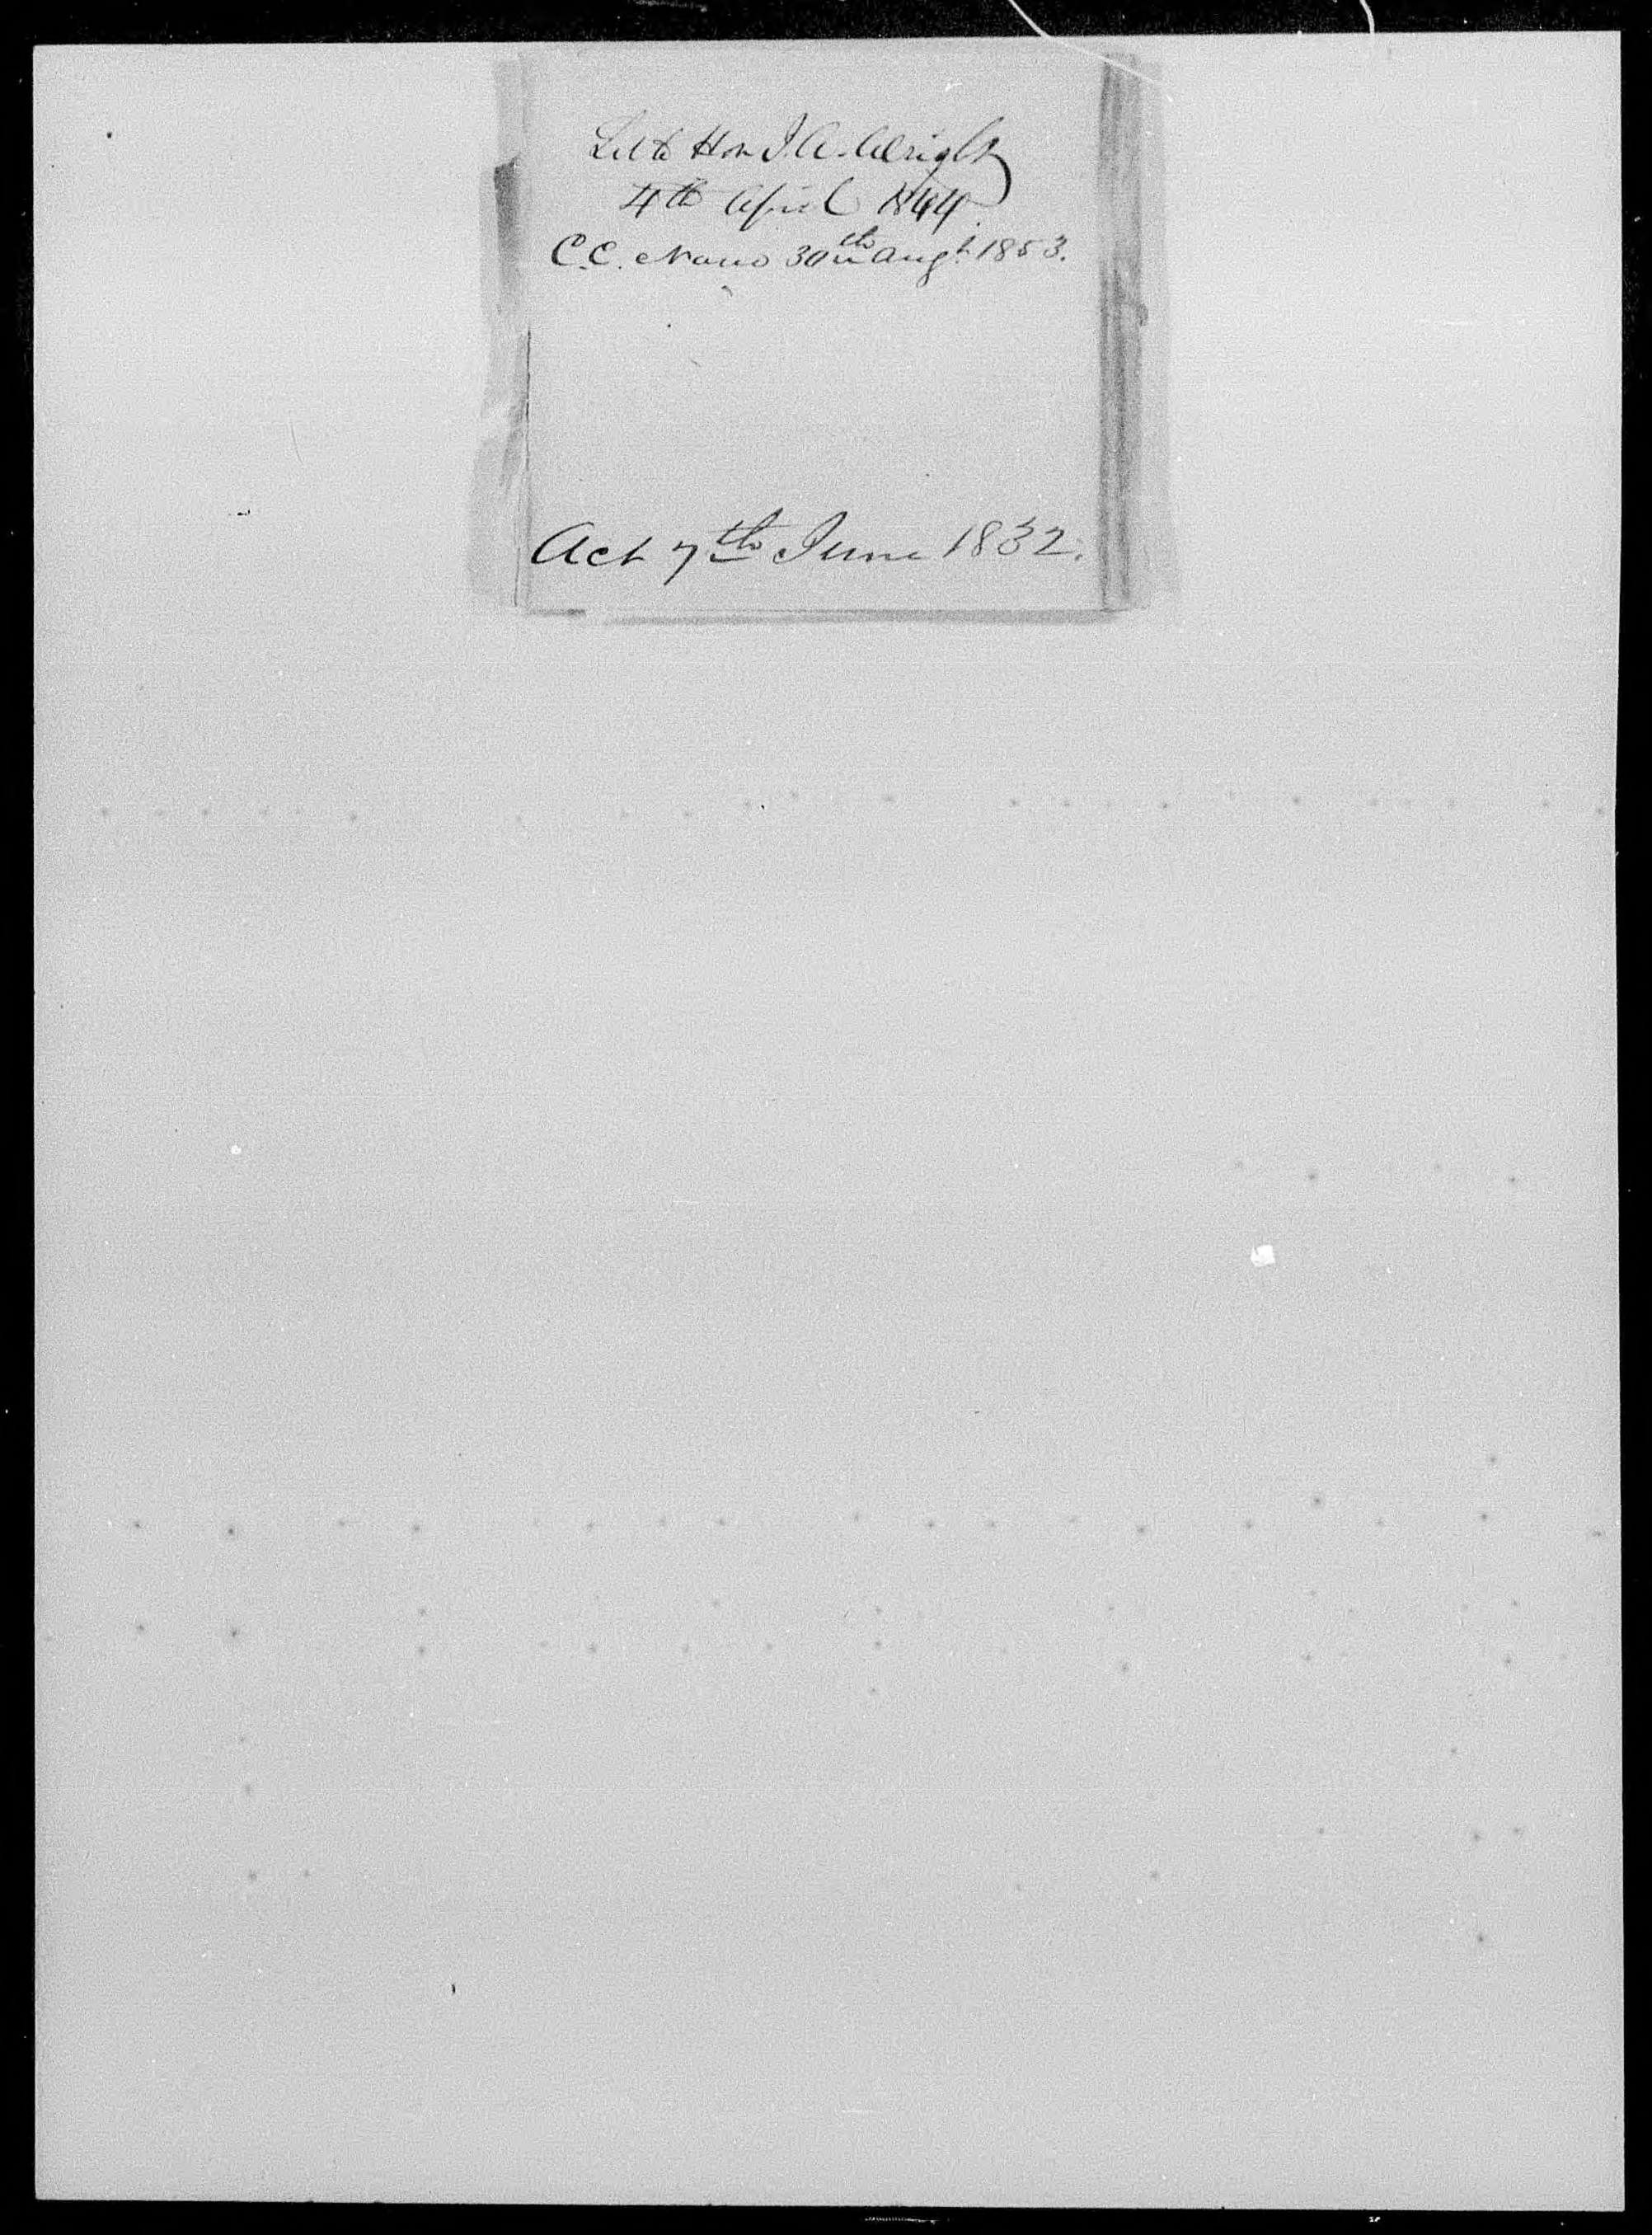Let to Hon. J.A. Wright
4th April 1844
C. C. Nove 30th Aug 1853

Act 7th June  1832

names: J A Wright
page: 12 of 18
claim: rejected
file: R. 5393, for Israel Hunt, New Jersey